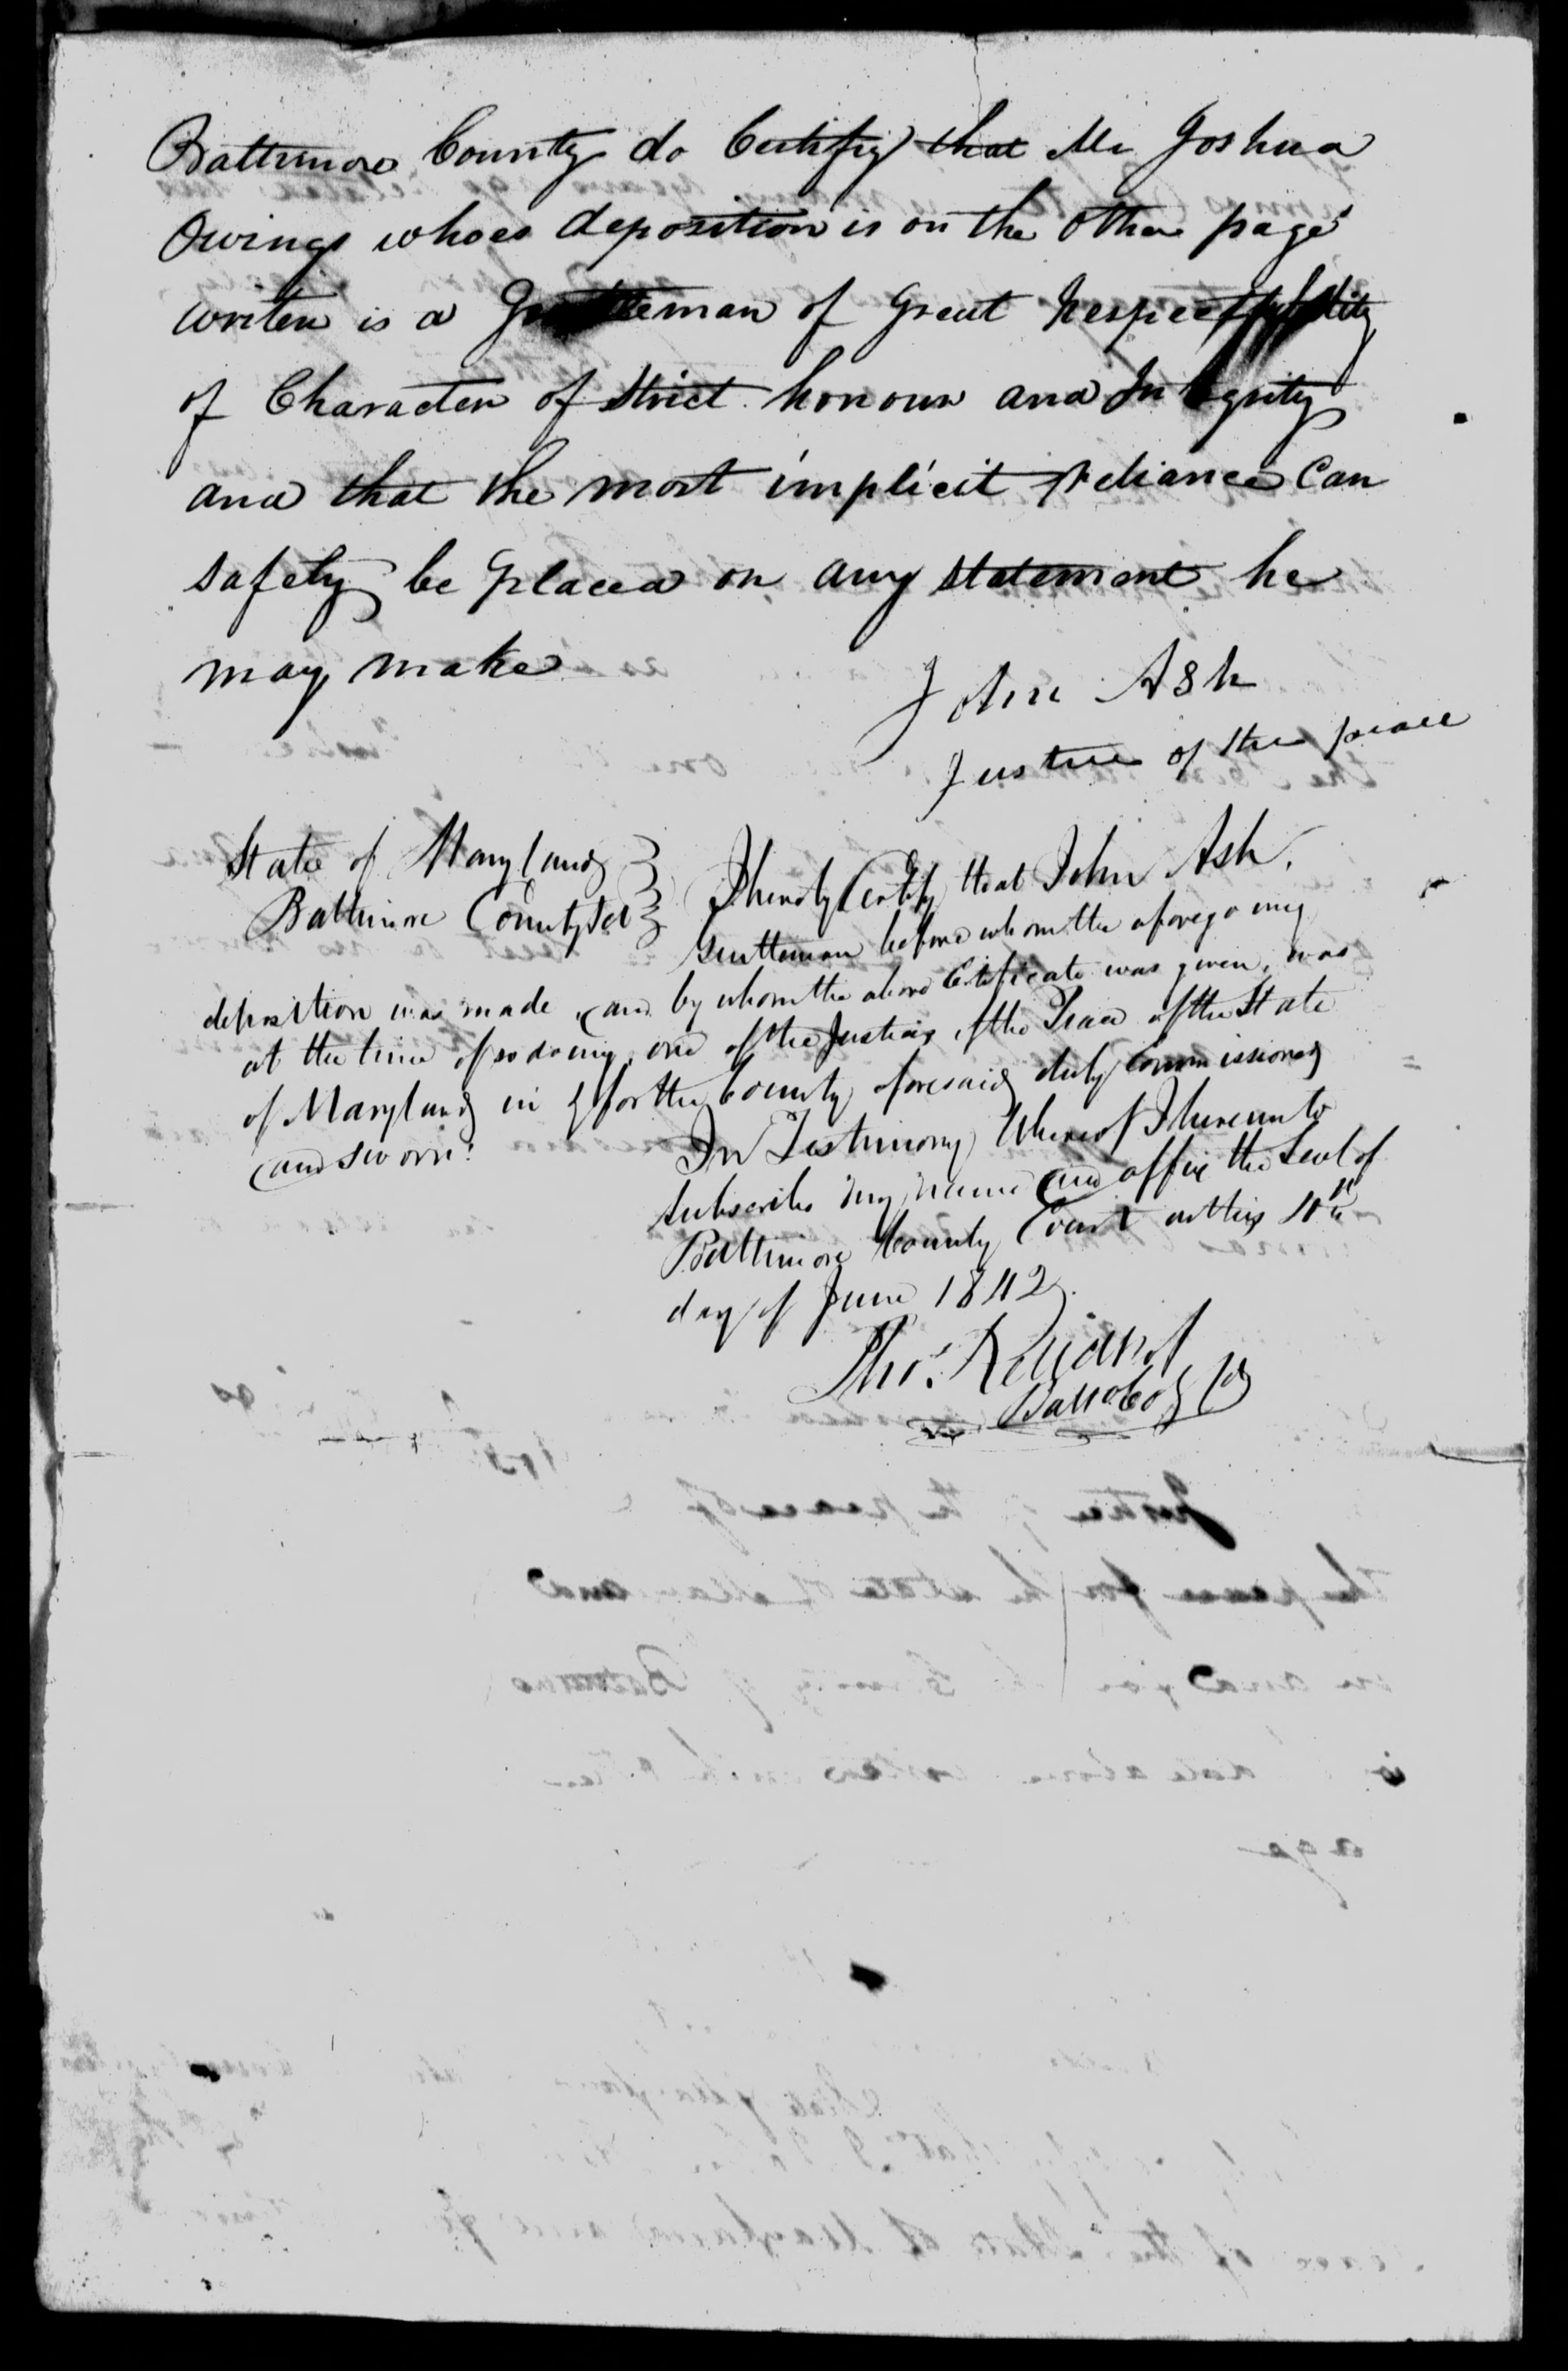Baltimore County do certify that Mr Joshua Owings whose deposition is on the other pages writen [written] is a Gentleman of great respectability of Character of strict honour [honor] and integrity and that the most implicit reliance can safely be placed on any statement he may make
John Ash
Justice of the Peace
State of Maryland} 
Baltimore County Sct}
I hereby Certify that John Ash, Gentleman before whom the aforegoing [foregoing] deposition was made and by whom the above Certificate was given, was at the time of so doing, one of the Justices of the Peace of the State of Maryland in & for the County aforesaid duly commissioned and sworn
In Testimony whereof I hereunto subscribe my name and affix the seal of Baltimore County Court this 11th day of June 1842
Thos. [illegible] 
Balto [Baltimore] Co [illegible]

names: Thos Kellon, John Ash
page: 11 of 43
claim: survivor's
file: S. 15240, Thomas White, Md.